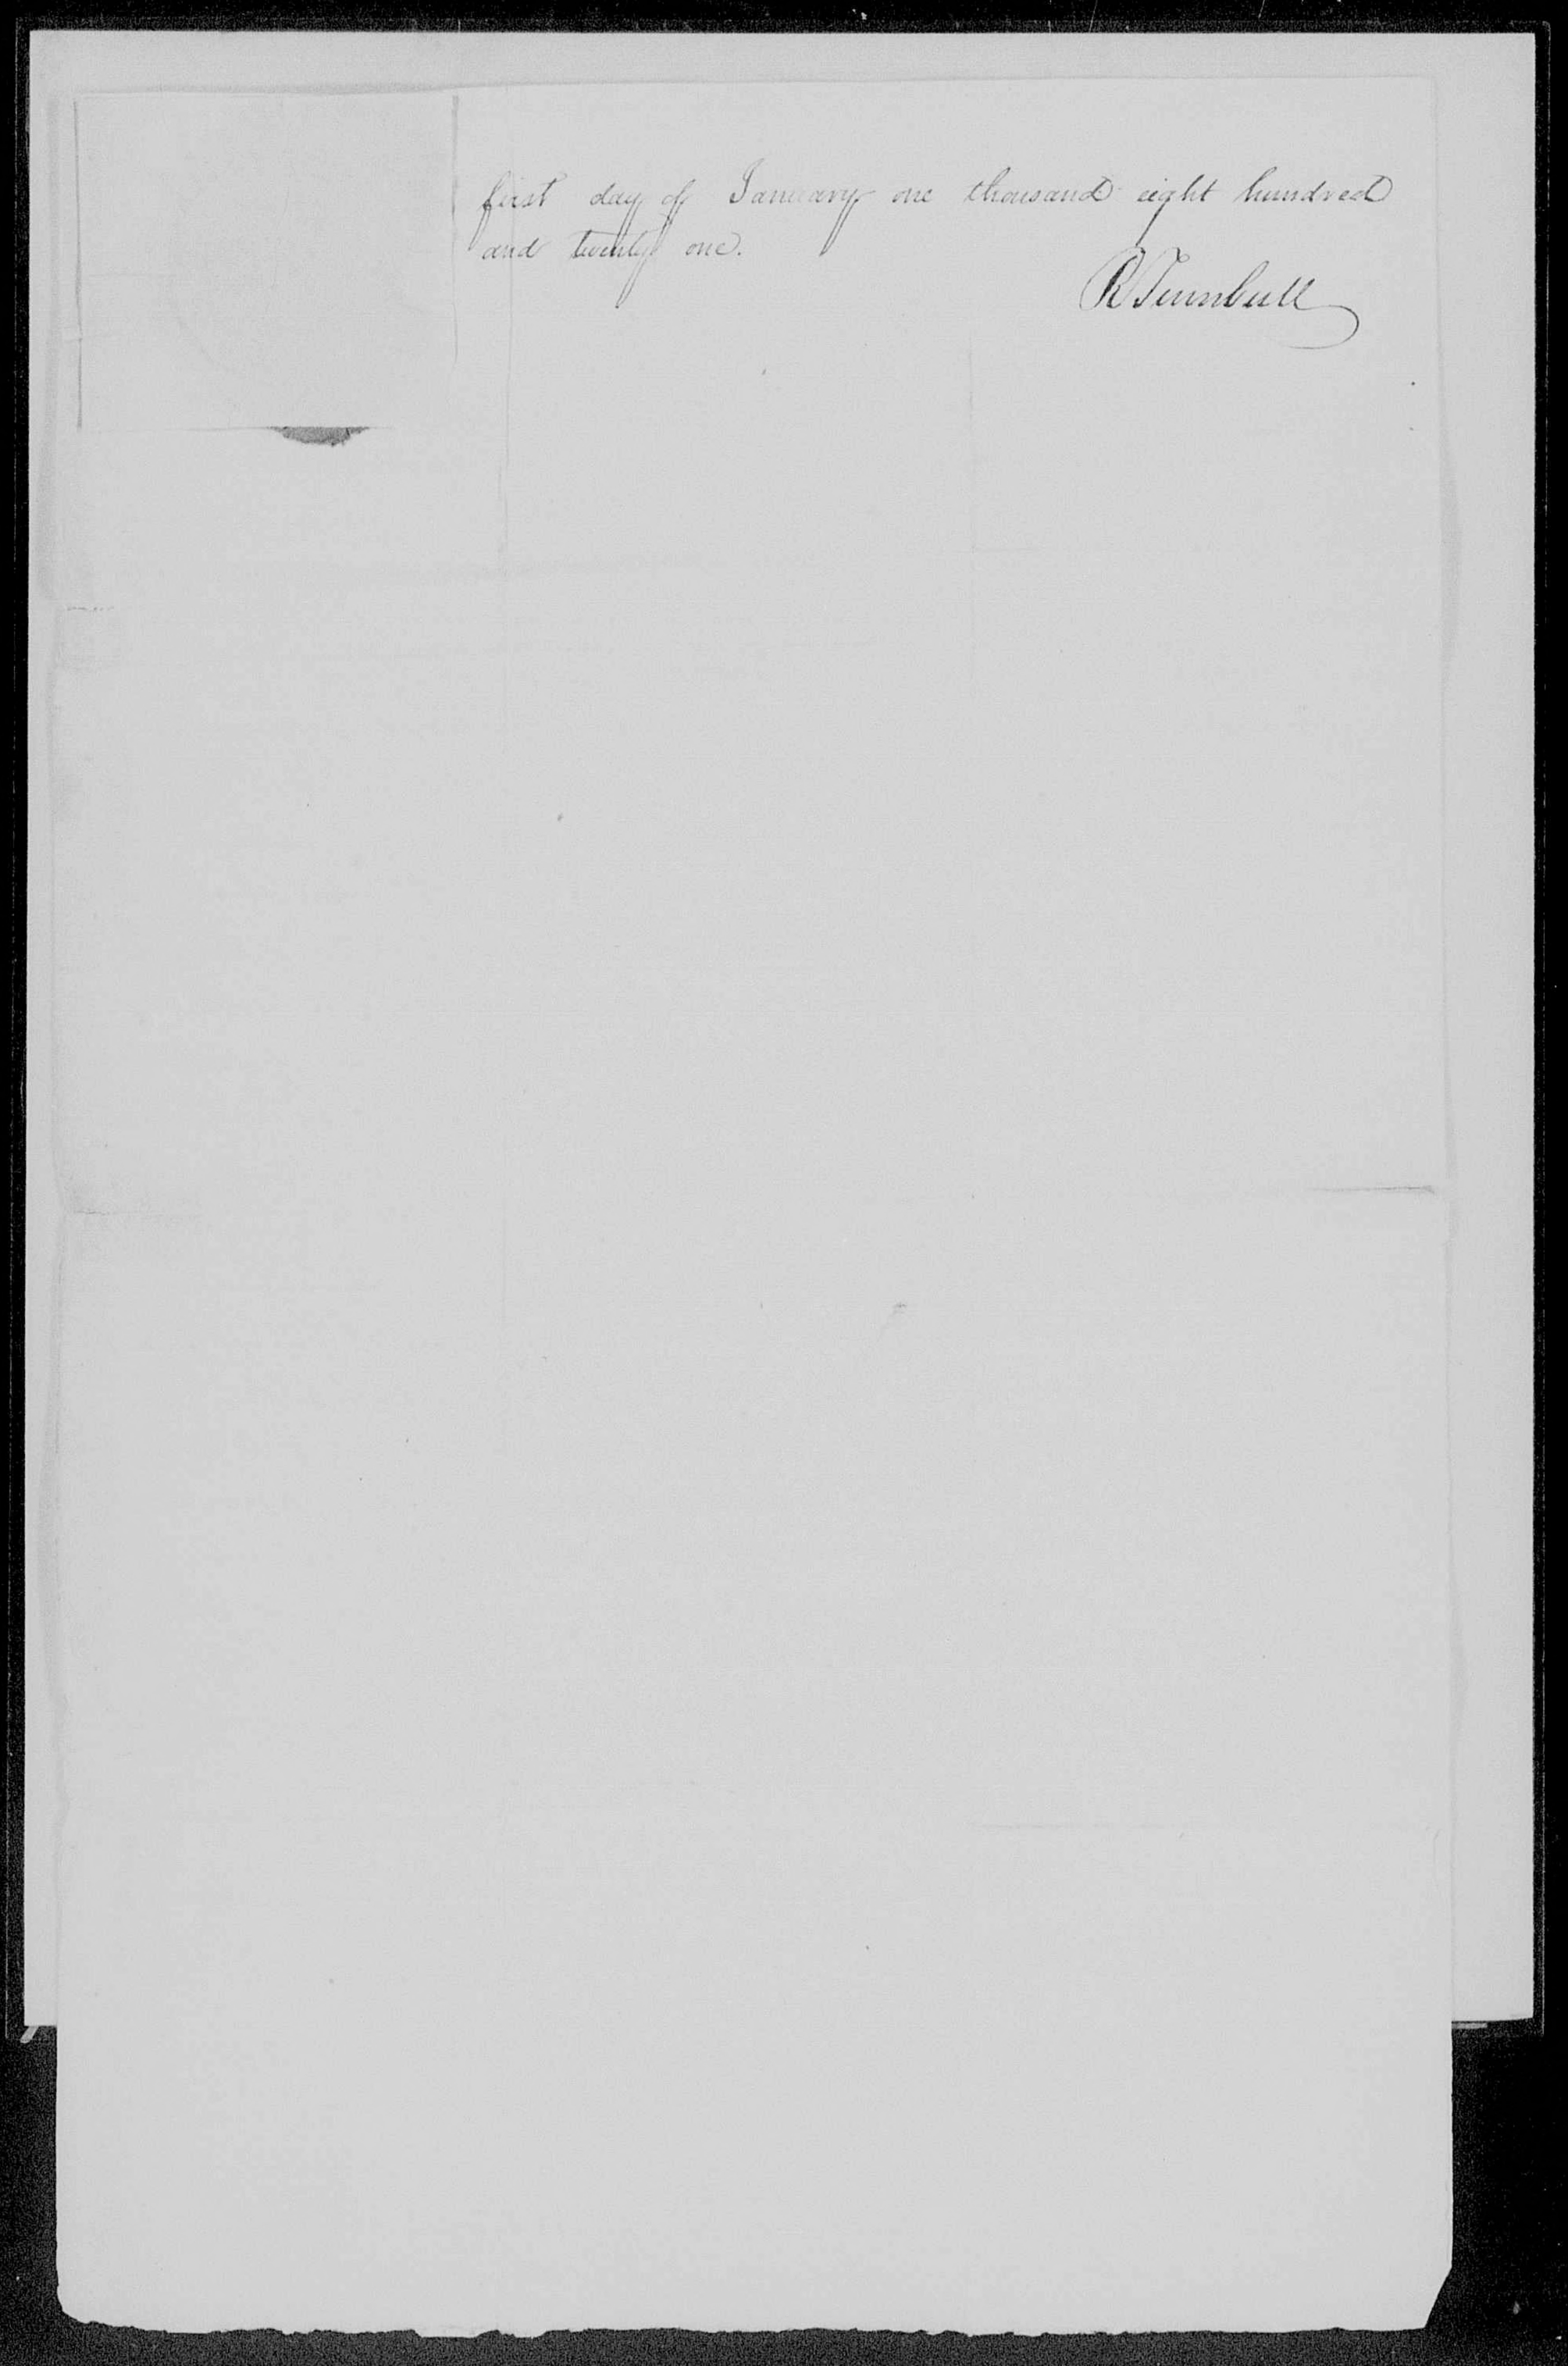first day of January one thousand eight hundred and twenty one. 
R Turnbull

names: R Turnbull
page: 6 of 17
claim: survivor's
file: S. 42053, William Ward, Ga.